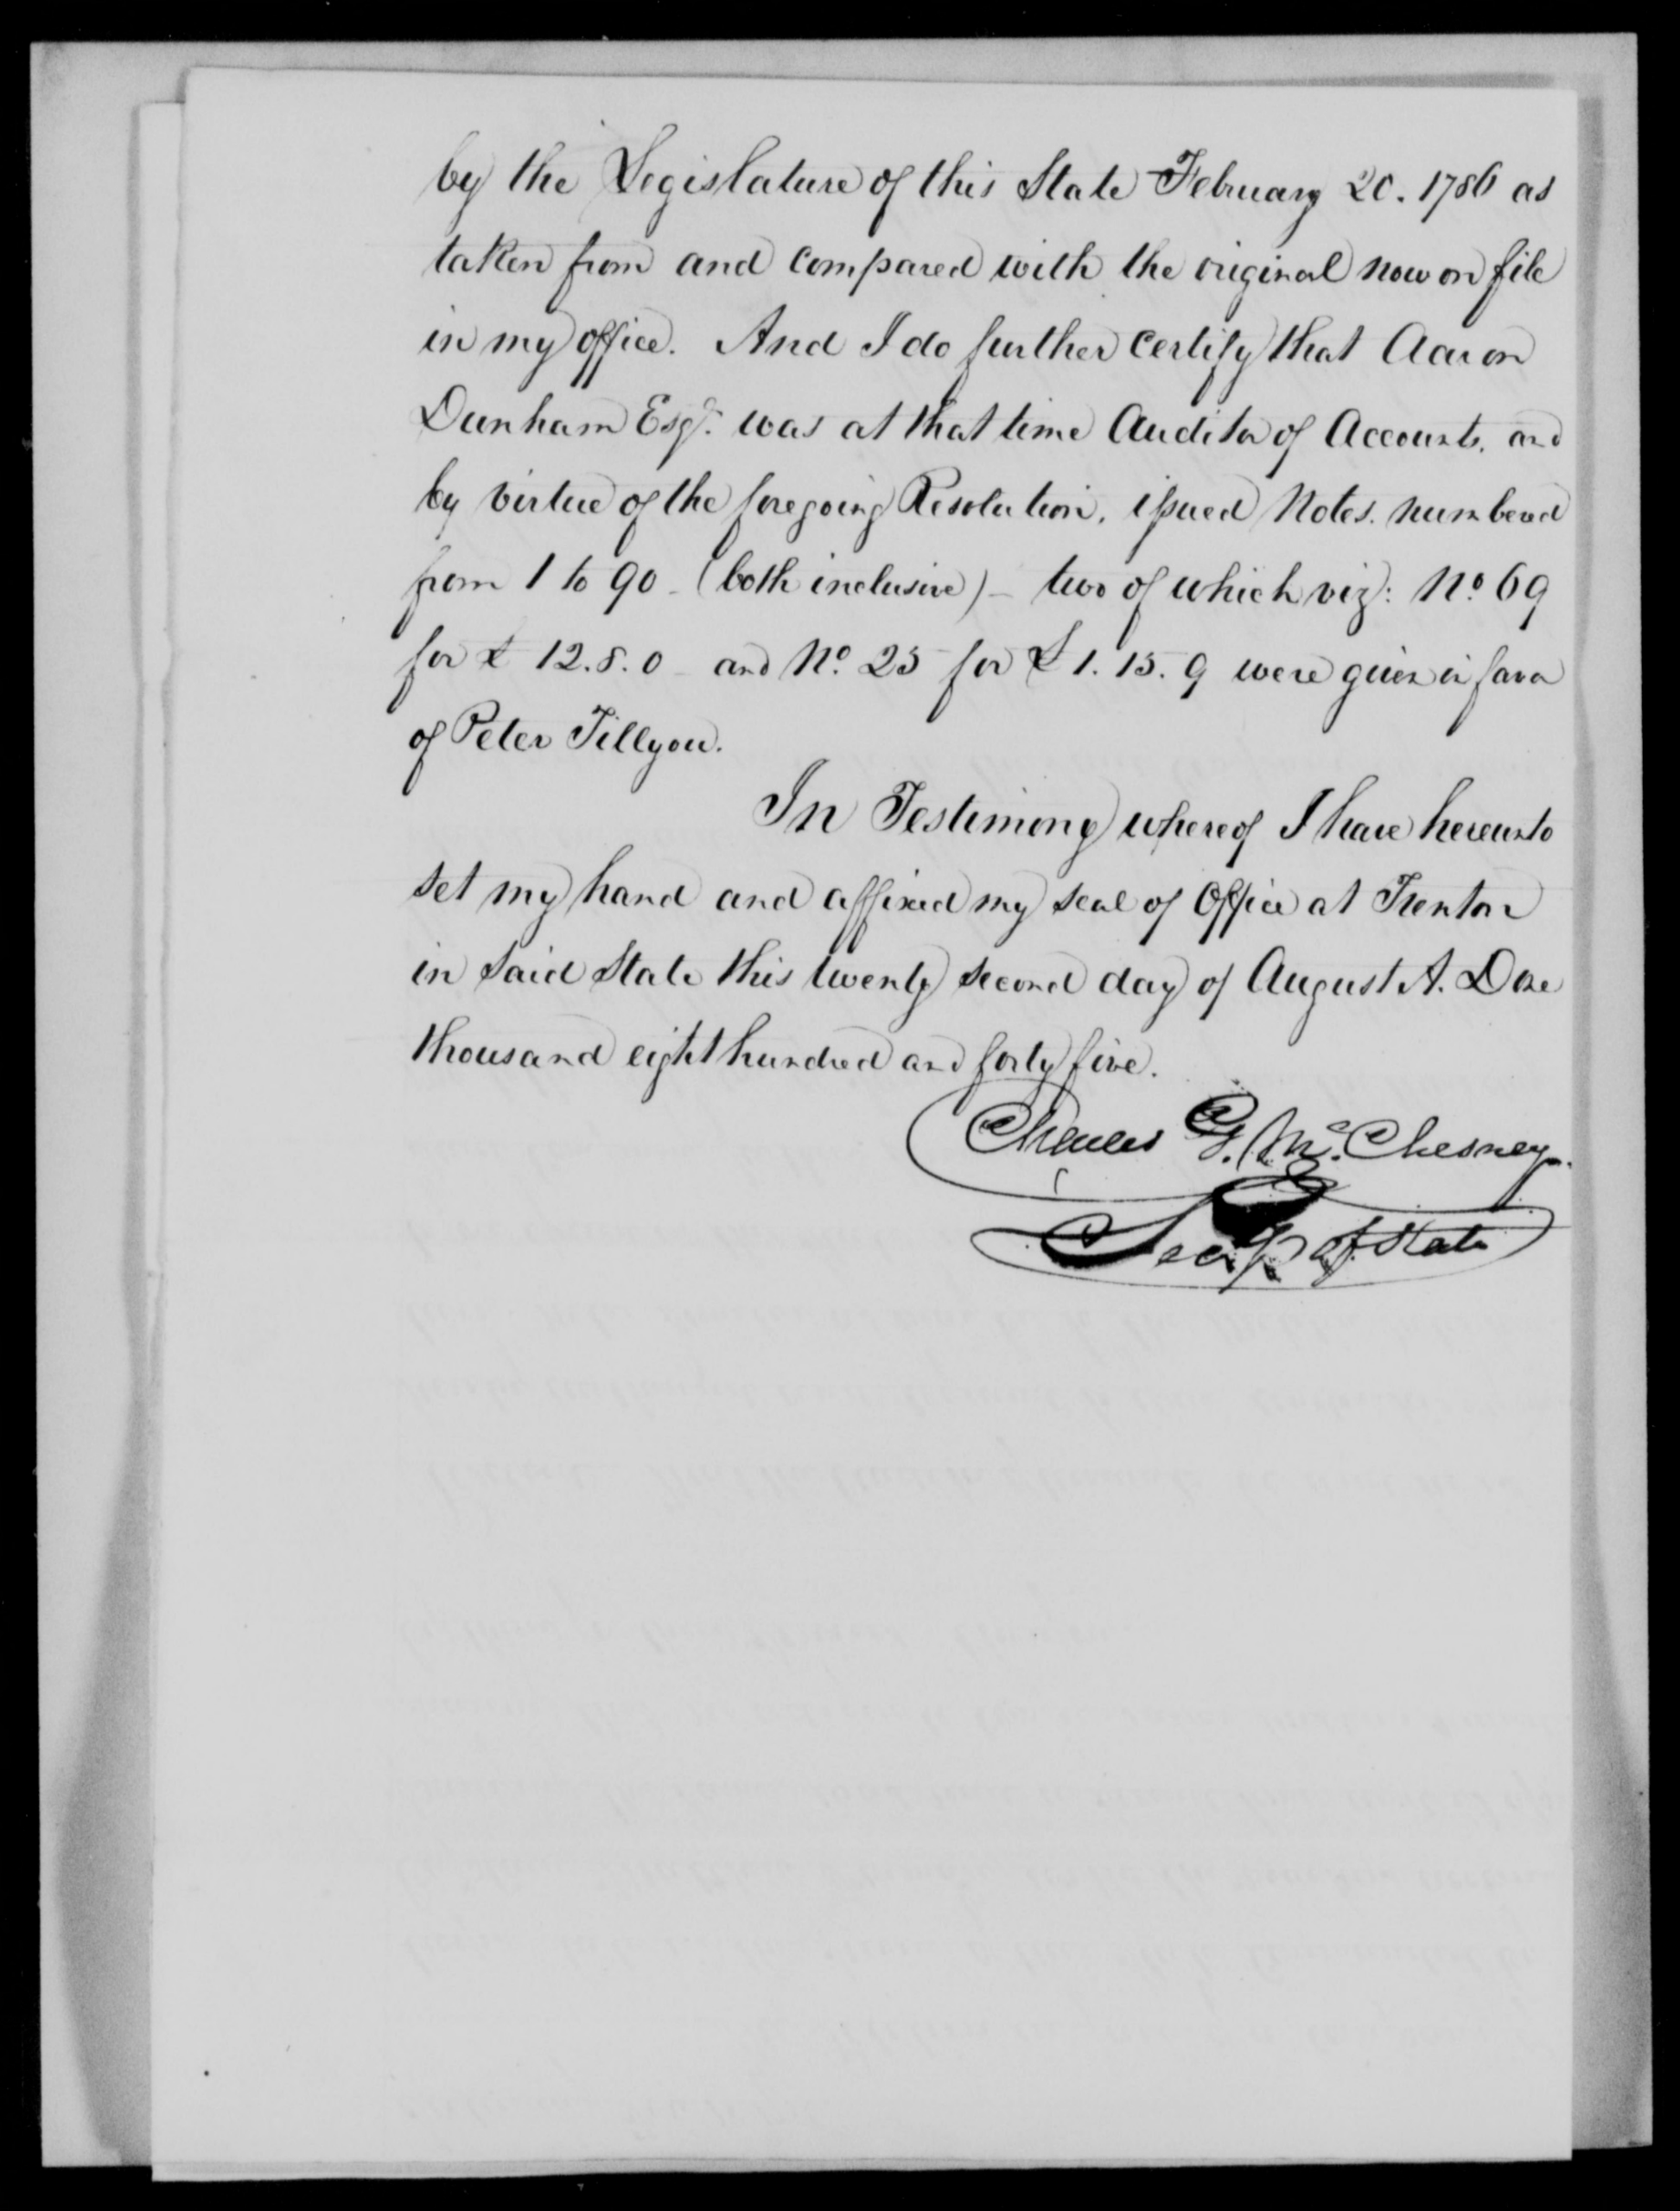by the Legislation of this State February 20. 1786 as taken from and compared with the original now on file in my office. And I do further certify that Aaron Dunham Esq. was at that time Auditor of Accounts and by virtue of the foregoing Resolution, issued Notes numbered from 1 to 90 (both inclusive) two of which viz: No.69 for £12.8.0 and No. 25 for £1.15.9 were given in favor of Peter Tillyou.
          In Testimony whereof I have hereunto set my hand and affixed my Seal of Office at Trenton in said State this twenty second day of August A.D. one thousand eight hundred and forty-five.

                   Charles G. McChesney
                        Secy of State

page: 58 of 101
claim: widow's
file: W. 25481, for Peter V Tilyou, New Jersey